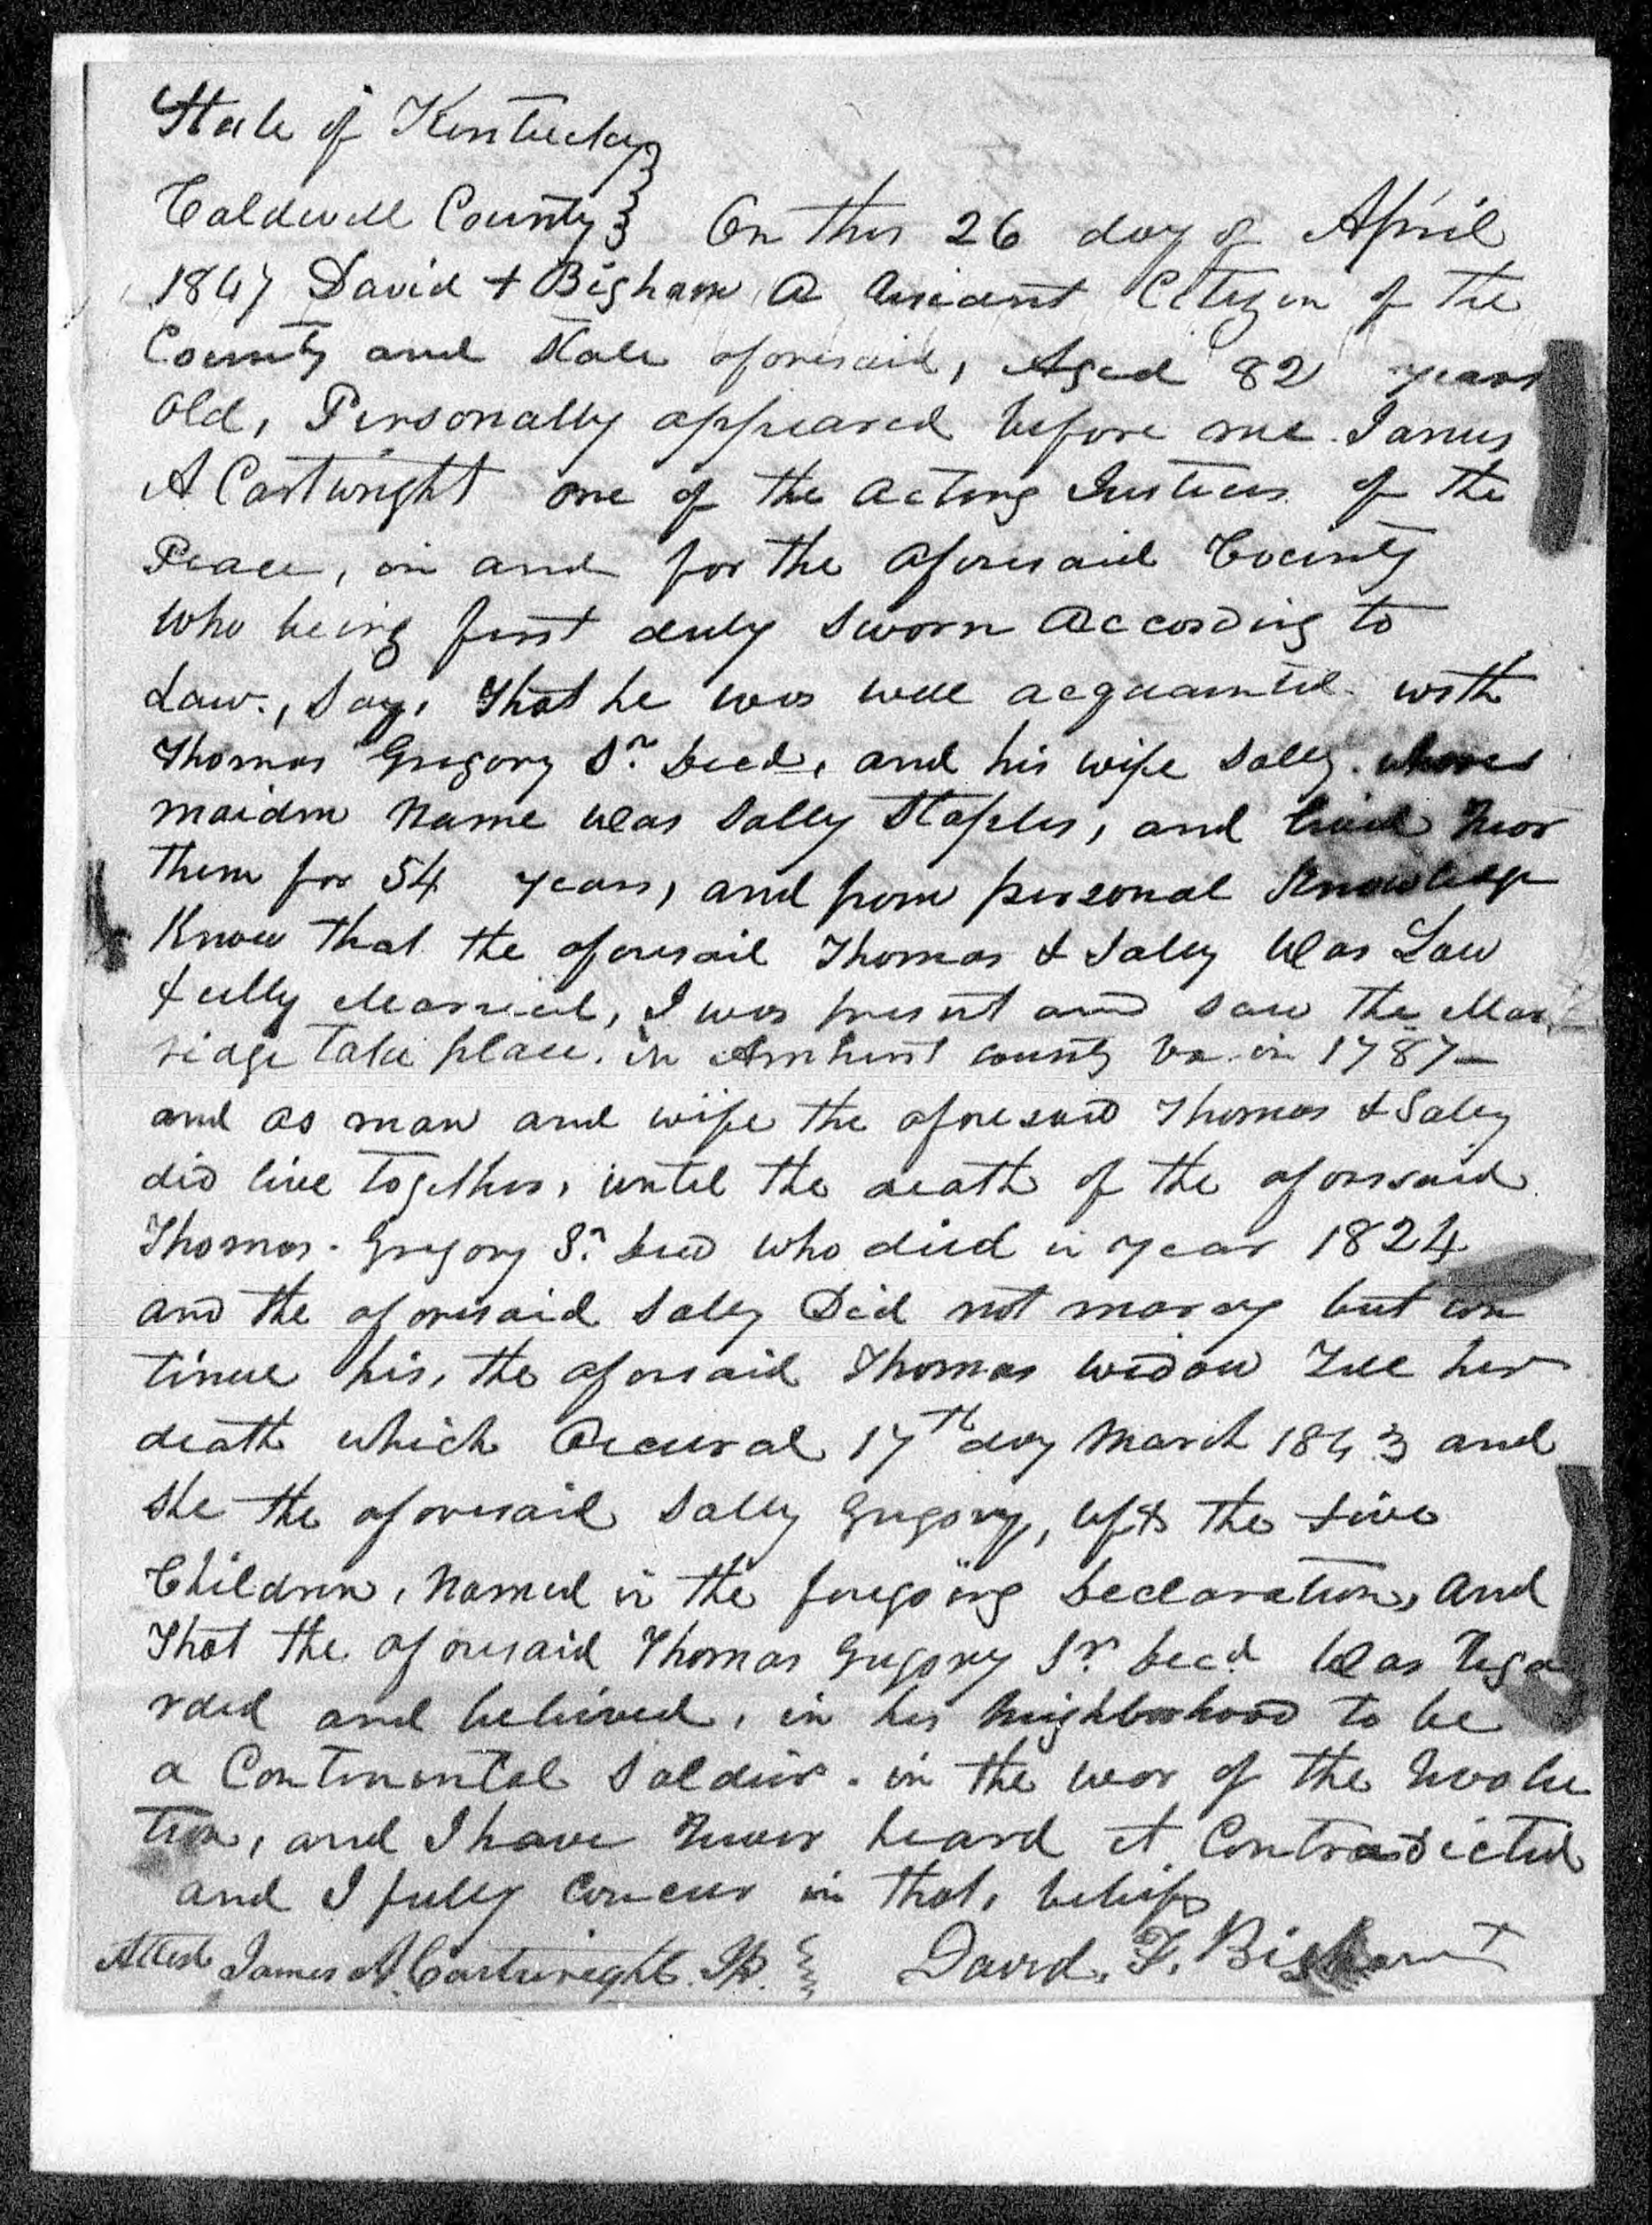State of Kentucky}
Caldwell County  }
On this 26 day of April 1847 David F Bigham a resident Citizen of the County and state aforesaid, Aged 82 years old, Personally appeared before me James A Cartwright one of the acting Justices of the Peace, in and for the aforesaid County Who being first duly sworn according to Law, Say, That he was well acquainted with Thomas Gregory Sr. Decd, and his wife Sally Whose Maiden name was Sally Staples, and lived near them for 54 years, and from personal knowledge know that the aforesaid Thomas & Sally was Lawfully married, I was present and saw the Marriage take place, in Amhurst County Va in 1787--and as man and wife the aforesaid Thomas & Sally did live Together, until the death of the aforesaid Thomas Gregory Sr. Decd who died in year 1824 and the aforesaid Sally Did not marry but continue his, the aforesaid Thomas Widow Till her death which occured [sic] 17th day March 1843 and she the aforesaid Sally Gregory, left the five Children, named in the foregoing Declaration, and That the aforesaid Thomas Gregory Sr. decd. was regarded and believed, in his neighborhood to be a Continental Soldier in the war of the revolution, and I have never heard it contradicted and I fully concur in that belief.
David F. Bigham +
Attest James A Cartwright JP.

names: David F Bigham, Thomas Gregory, David F Bigham, Sally, Thomas Gregory, Thomas, Sally Staples, Sally, James A Cartwright, Thomas, James A Cartwright, Sally, Thomas, Thomas Gregory, Sally, Sally Gregory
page: 13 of 75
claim: widow's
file: W. 8876, Thomas Gregory, Continental Va